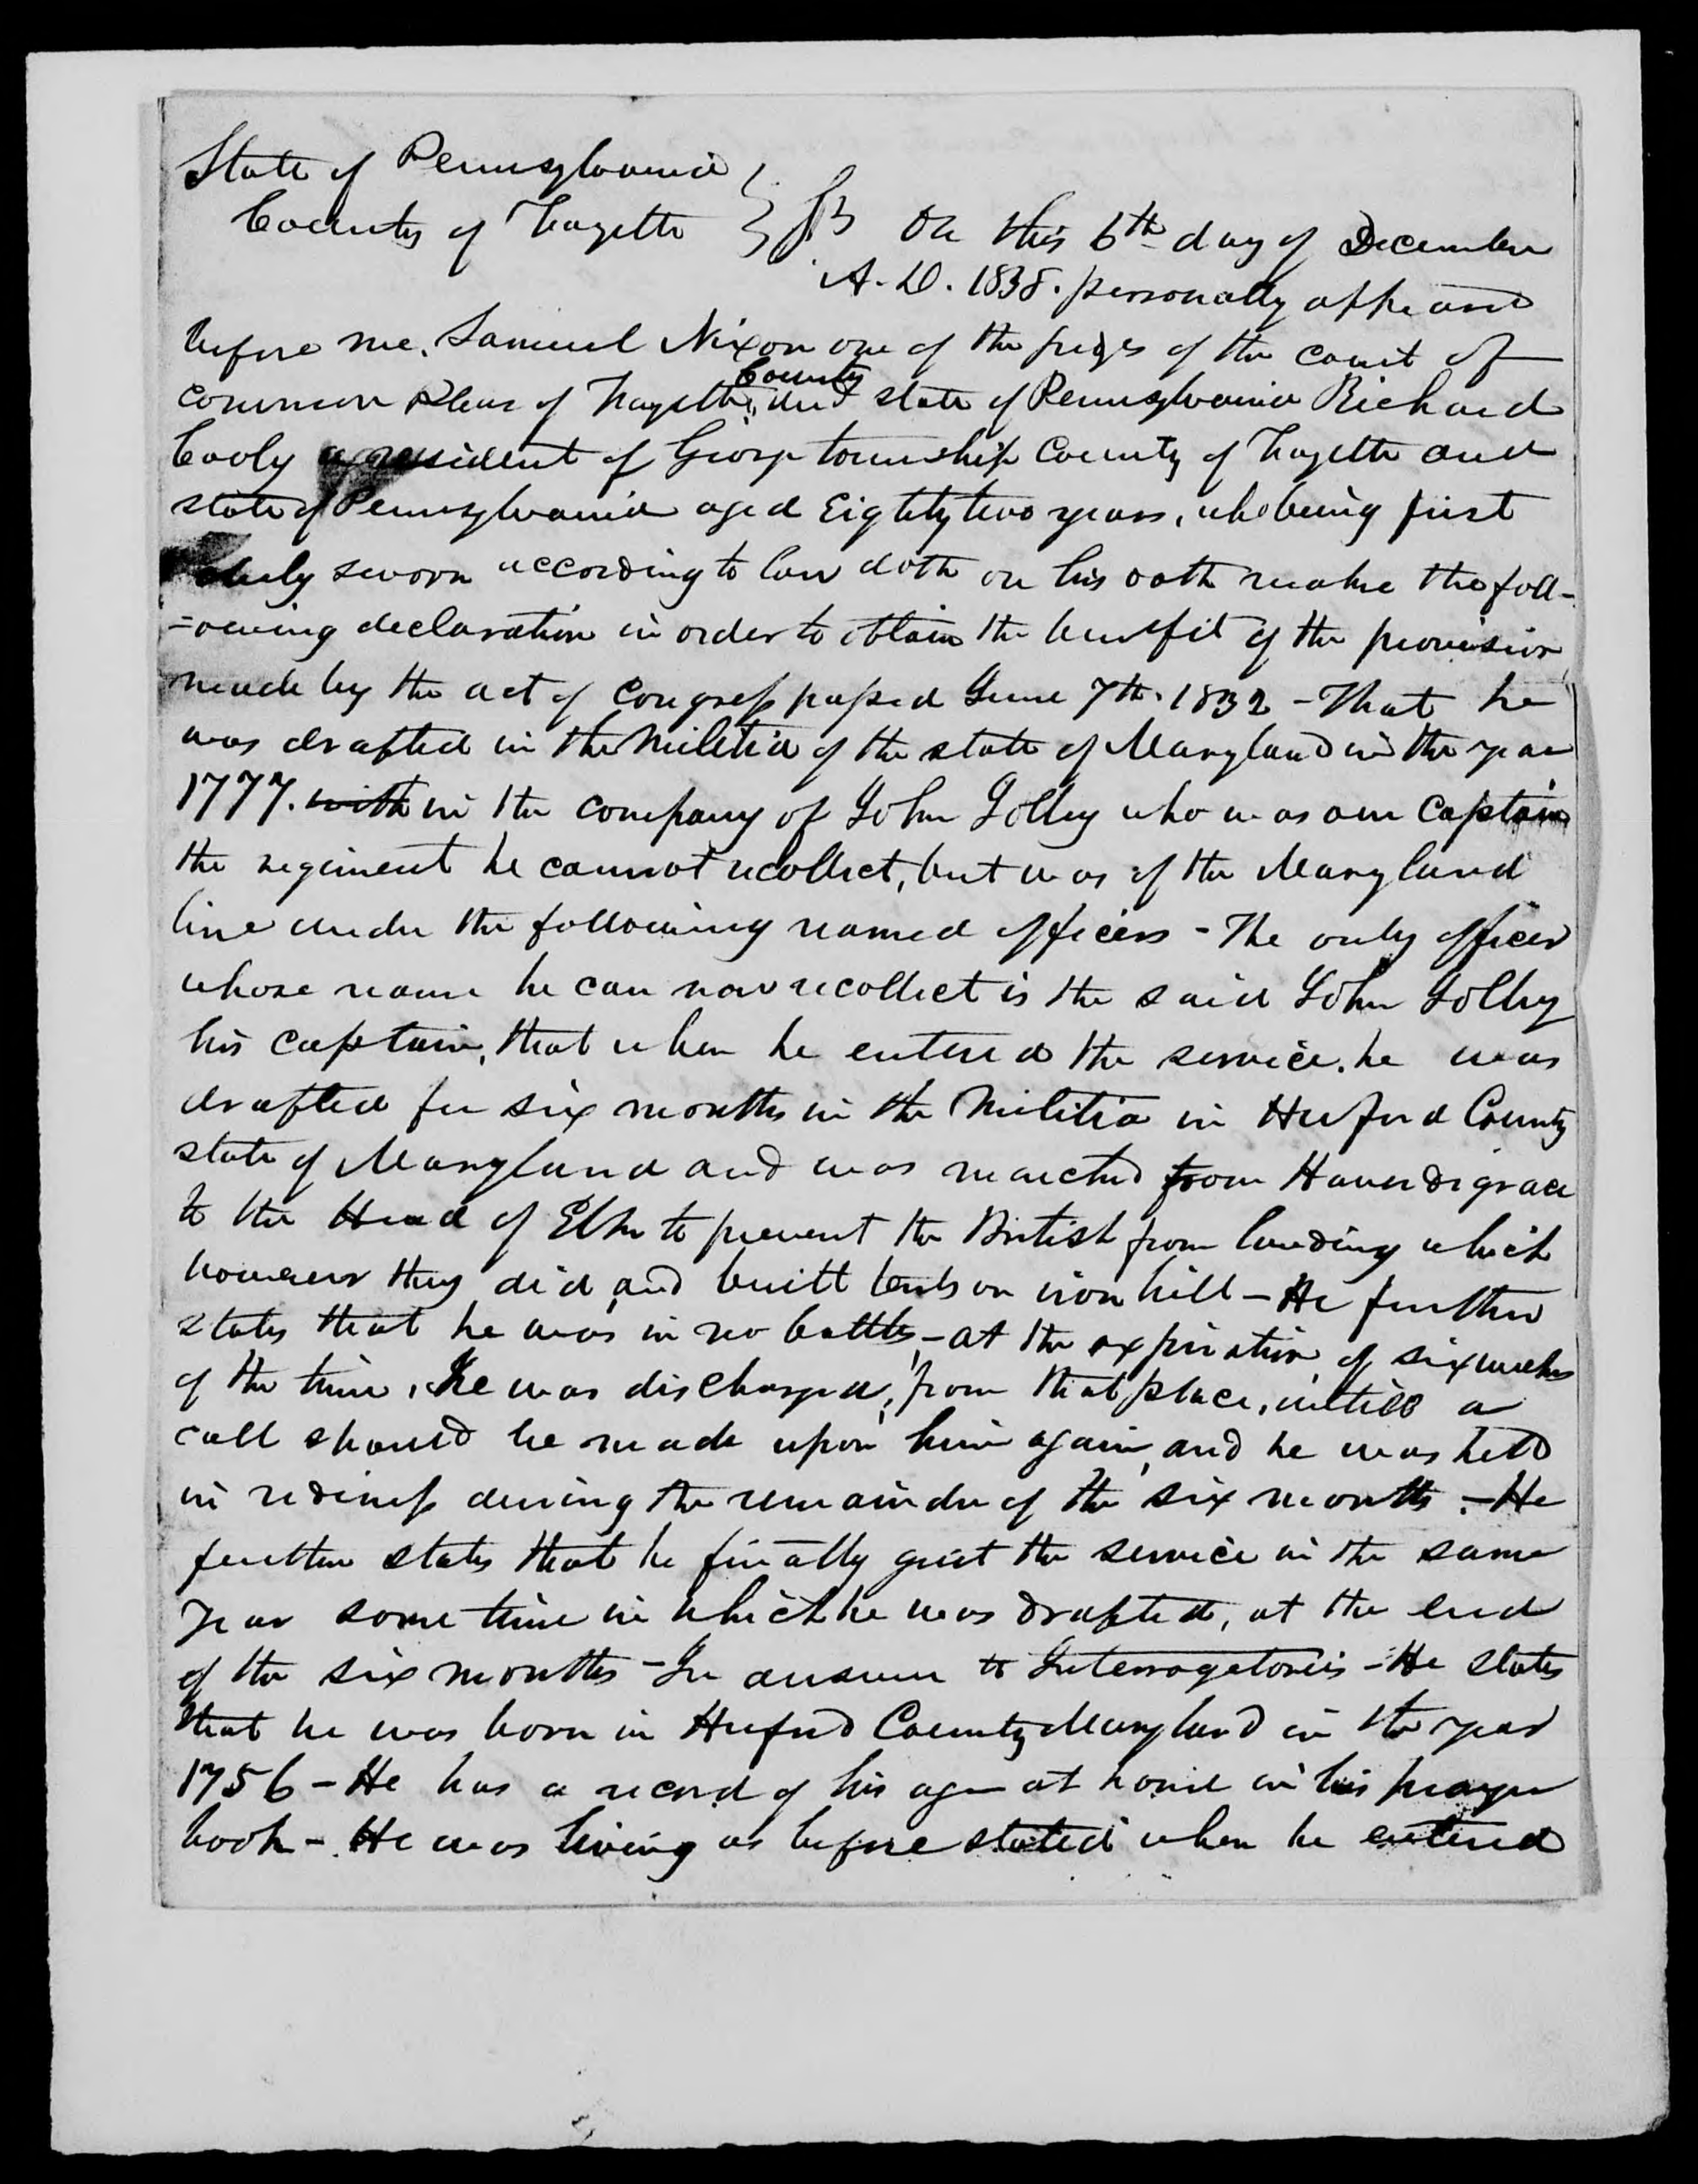State of Pennsylvania }
County of Fayette } [illegible]
On this 6th day of December A.D. 1838. personally appeared before me, Samuel Nixon on of the judges of the court of common pleas of Fayette County and state of Pennsylvania Richard Cooly a resident of Georgetownship County of Fayette and state of Pennsylvania aged Eighty two years, wo being first duly sworn according to law doth on his oath make the following declaration in order to obtain the benefit of the provision made by the act of congress passed June 7th 1832 - That he was drafted in the militia of the state of Maryland in the year 1777. in the company of John Jolley who was our Captain the regiment he cannot recollect, but was of the Maryland line under the following named officers - the only officer whose name he can now recollect is the said John Jolley his captain that when he entered the service he was drafted for six months in the militia in Herferd [Harford] County state of Maryland and was marched from Havre de grace to the Head of Elk to prevent the British from landing which however they did, and built tents on iron hill - he further states that he was in no battles - at the expiration of six weeks of the time, he was discharged from that place, until a call should be made upon him again and he was held  in rediness during the remainder of the six months. - He further states that he finally quit the service in the same year some time in which he was drafted, at the end of the six months - in answer to the interrogatories- he states that he was born in Herferd [Harford] County Maryland in the year 1756 - He has a record of his age at home in his prayer book -. He was living as before stated when he entered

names: Samuel Nixon, John Jolley, Richard Cooly, John Jolley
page: 4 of 19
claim: rejected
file: R. 2,283, Richard Cooley, Md.